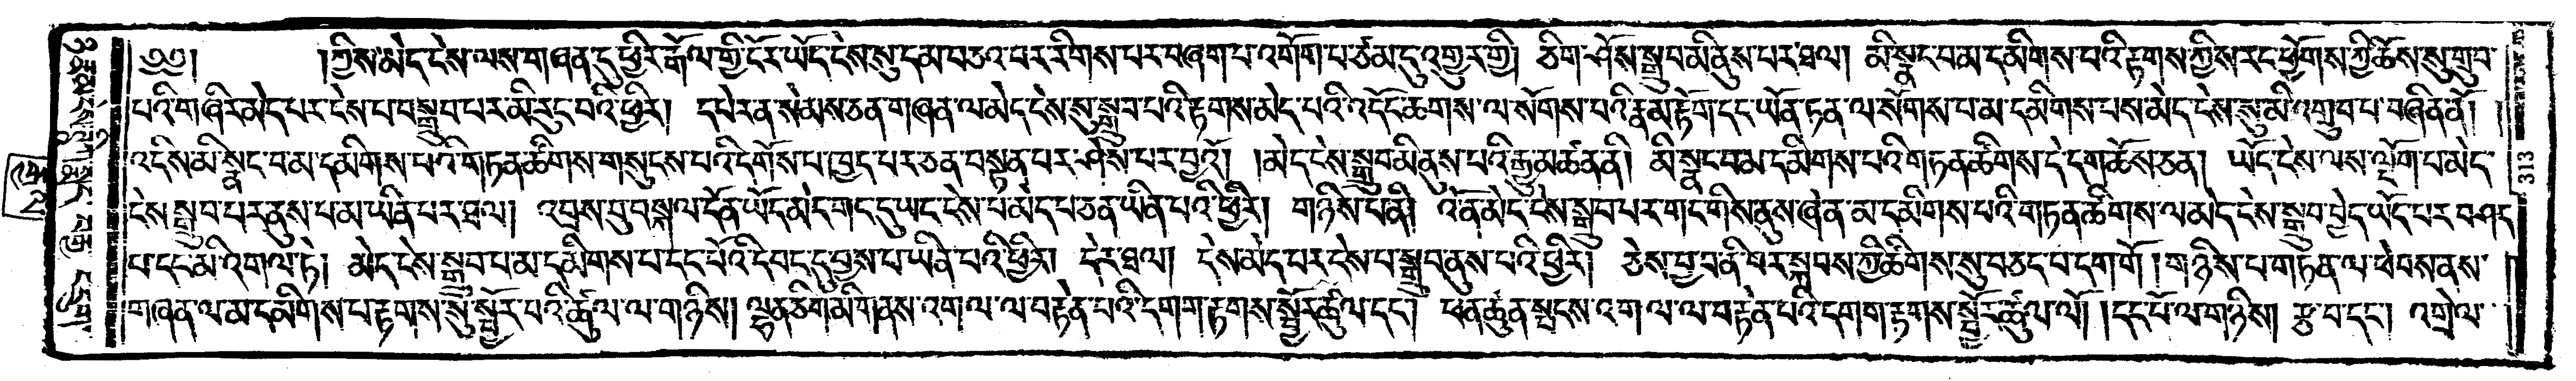༄༅། །ཀྱིས་མེད་ངེས་ལས་གཞན་དུ་ཕྱིར་རྒོལ་གྱི་ངོར་ཡོད་ངེས་སུ་དམ་བཅའ་བར་རིགས་པར་བཞག་པ་འགོག་པ་ཙམ་དུ་འགྱུར་གྱི། ཅིག་ཤོས་སྒྲུབ་མི་ནུས་པར་ཐལ། མི་སྣང་བ་མ་དམིགས་པའི་རྟགས་ཀྱིས་རང་ཕྱོགས་ཀྱི་ཆོས་སུ་གྲུབ་
པའི་གཞིར་མེད་པར་ངེས་པ་བསྒྲུབ་པར་མི་རུང་བའི་ཕྱིར། དཔེར་ན་སེམས་ཅན་གཞན་ལ་མེད་ངེས་སུ་སྒྲུབ་པའི་རྟགས་མེད་པའི་འདོང་ཆགས་ལ་སོགས་པའི་རྣམ་རྟོག་དང་ཡོན་ཏན་ལ་སོགས་པ་མ་དམིགས་པས་མེད་ངེས་སུ་མི་འགྲུབ་པ་བཞིན་ནོ། །
འདིས་མི་སྣང་བ་མ་དམིགས་པའི་གཏན་ཚིགས་གསུངས་པའི་དགོས་པ་ཁྱད་པར་ཅན་བསྟན་པར་ཤེས་པར་བྱའོ། །མེད་ངེས་སྒྲུབ་མི་ནུས་པའི་རྒྱུ་མཚན་ནི། མི་སྣང་བམ་དམིགས་པའི་གཏན་ཚིགས་དེ་དག་ཆོས་ཅན། ཡོད་ངེས་ལས་ལྡོག་པ་མེད་
ངེས་སྒྲུབ་པར་ནུས་པ་མ་ཡིན་པར་ཐལ། འབྲས་བུ་བསྐལ་དོན་ཡོད་མེད་གང་དུ་ཡང་ངེས་པ་མེད་པ་ཅན་ཡིན་པའི་ཕྱིར། གཉིས་པ་ནི། འོ་ན་མེད་ངེས་སྒྲུབ་པར་གང་གིས་ནུས་ཞེ་ན་མ་དམིགས་པའི་གཏན་ཚིགས་ལ་མེད་ངེས་སྒྲུབ་བྱེད་ཡོད་པར་བཤད་
པ་དང་མི་འགལ་ཏེ། མེད་ངེས་སྒྲུབ་པ་མ་དམིགས་པ་དང་པོའི་དབང་དུ་བྱས་པ་ཡིན་པའི་ཕྱིར། དེར་ཐལ། དེས་མེད་པར་ངེས་པ་སྒྲུབ་ནུས་པའི་ཕྱིར། ཅེས་བྱ་བ་ནི་བར་སྐབས་ཀྱི་ཚིགས་སུ་བཅད་པ་དག་གོ །གཉིས་པ་གཏན་ལ་ཕེབས་ནས་
གཞན་ལ་མ་དམིགས་པ་རྟགས་སུ་སྦྱོར་བའི་ཚུལ་ལ་གཉིས། ལྷན་ཅིག་མི་གནས་འགལ་ལ་བརྟེན་པའི་དགག་རྟགས་སྦྱོར་ཚུལ་དང་། ཕན་ཚུན་སྤངས་འགལ་ལ་བརྟེན་པའི་དགག་རྟགས་སྦྱོར་ཚུལ་ལོ། །དང་པོ་ལ་གཉིས། རྩ་བ་དང་། འགྲེལ་